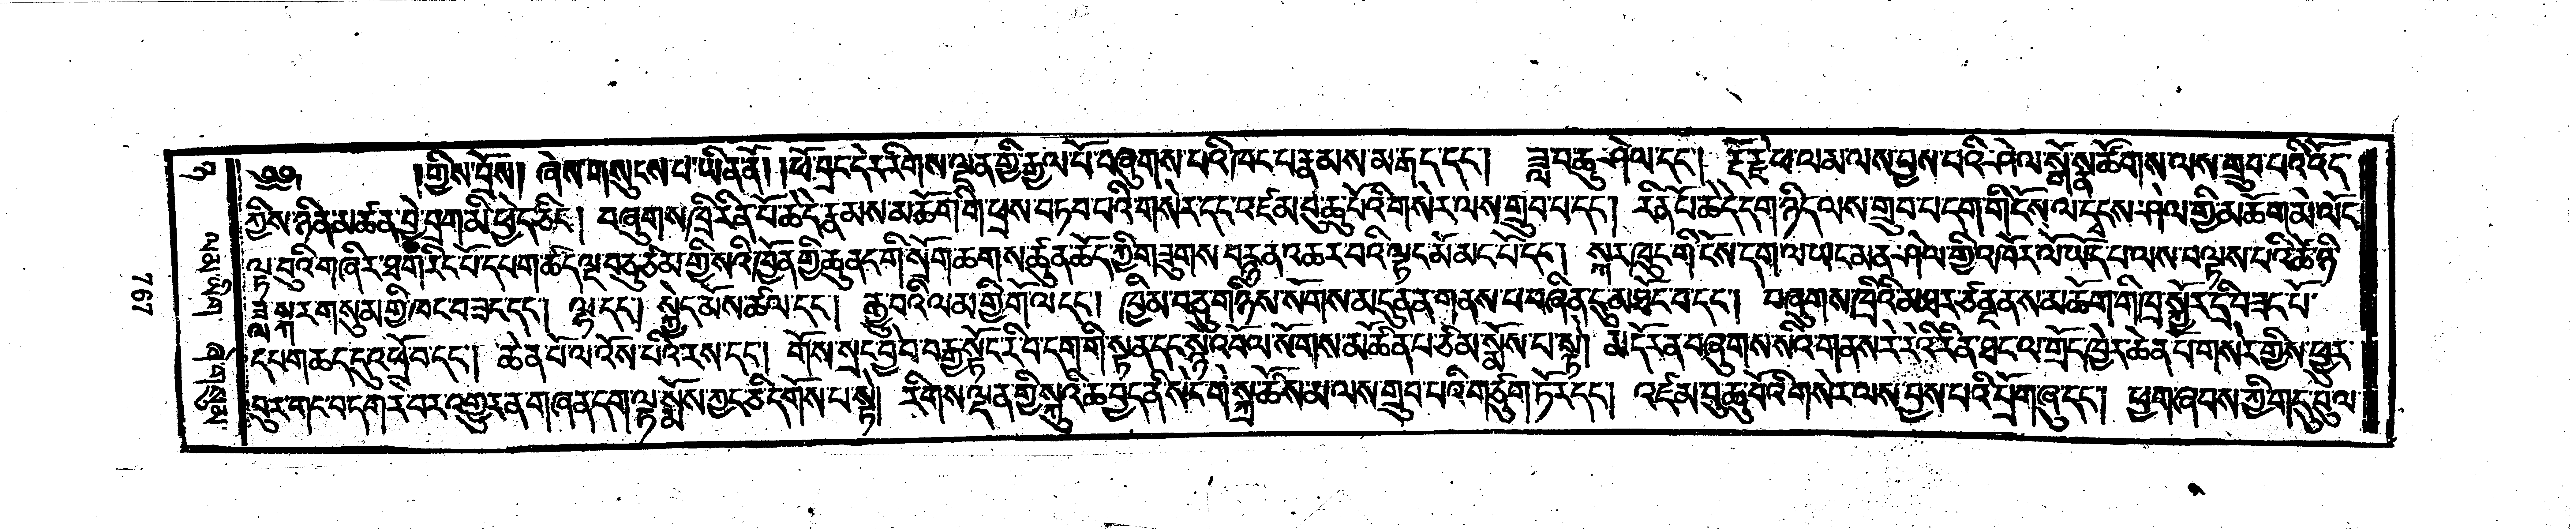༄༅། །གྱིས་བྲོས། ཞེས་གསུངས་པ་ཡིན་ནོ། །ཕོ་བྲང་དེར་རིགས་ལྡན་གྱི་རྒྱལ་པོ་བཞུགས་པའི་ཁང་པ་རྣམས་མ་རྒད་དང་། ཟླ་བ་ཆུ་ཤེལ་དང་། རྡོ་རྗེ་ཕ་ལམ་ལས་བྱས་པའི་ཤེལ་སྒོ་སྣ་ཚོགས་ལས་གྲུབ་པའི་འོད་
ཀྱིས་ཉིན་མཚན་བྱེ་བྲག་མི་ཕྱེད་ཅིང་། བཞུགས་ཁྲི་རིན་པོ་ཆེ་དེ་རྣམས་མཆོག་གི་ཕྲས་བཏབ་པའི་གསེར་དང་འཛམ་བུ་ཆུ་པོའི་གསེར་ལས་གྲུབ་པ་དང་། རིན་པོ་ཆེ་དེ་དག་ཉིད་ལས་གྲུབ་པ་དག་གི་ངོས་ལ་དྭངས་ཤེལ་གྱི་མཆོག་མེ་ལོང་
ལྟ་བུའི་གཞིར་ཐག་རིང་པོ་དཔག་ཚད་ལྔ་བཅུ་ཙམ་གྱི་སའི་ཁྱོན་གྱི་ཆུ་ནང་གི་སྲོག་ཆགས་ཚུན་ཆོད་ཀྱི་གཟུགས་བརྙན་འཆར་བའི་ལྟང་མོ་མང་པོ་དང་། སྐར་ཁུང་གི་ངོས་དག་ལ་ཡང་མན་ཤེལ་གྱི་འཁོར་ལོ་ཡོད་པ་ལས་བལྟས་པའི་ཚེ་ཉི་
ཟླ་སྐར་གསུམ་གྱི་ཁང་བཟང་དང་། ལྷ་དང་། སྐྱེད་མོས་ཚལ་དང་། རྒྱུ་བའི་ལམ་གྱི་གོལ་དང་། ཁྱིམ་བཅུ་གཉིས་སོགས་མདུན་ན་གནས་པ་བཞིན་དུ་མཐོང་བ་དང་། བཞུགས་ཁྲིའི་མཐར་ཙནྡན་ས་མཆོག་གི་ཁྲ་སྐྱོར་དྲི་བཟང་པོ་
དཔག་ཆད་དུ་འཕྲོ་བ་དང་། ཆེན་པོ་ལ་འོས་པའི་རས་དང་། གོས་སྲང་བྱེ་བ་བརྒྱ་སྟོང་རི་བ་དག་གི་སྟན་དང་སྙེ་འབོལ་སོགས་མོ་ཆིན་པ་ཅིམ་སྨོས་པ་སྟེ། མདོར་ན་བཞུགས་སའི་གནས་རེ་རེའི་རིན་ཐང་ལ་གྲོང་ཁྱེར་ཆེན་པོ་གསེར་གྱིས་ཕྱུར་
བུར་གང་བདག་རེ་བར་འགྱུར་ན་གཞན་དག་ལྟ་སྨོས་ཀྱང་ཅི་དགོས་པ་སྟེ། རིགས་ལྡན་གྱི་སྐུའི་ཆ་བྱད་ནི་སེང་གེ་སྐྲ་ཚོས་མ་ལས་གྲུབ་པའི་གཙུག་ཏོར་དང་། འཛམ་བུ་ཆུ་བོའི་གསེར་ལས་བྱས་པའི་པྲོག་ཞུ་དང་། ཕྱག་ཞབས་ཀྱི་གདུ་བུ་ལ་